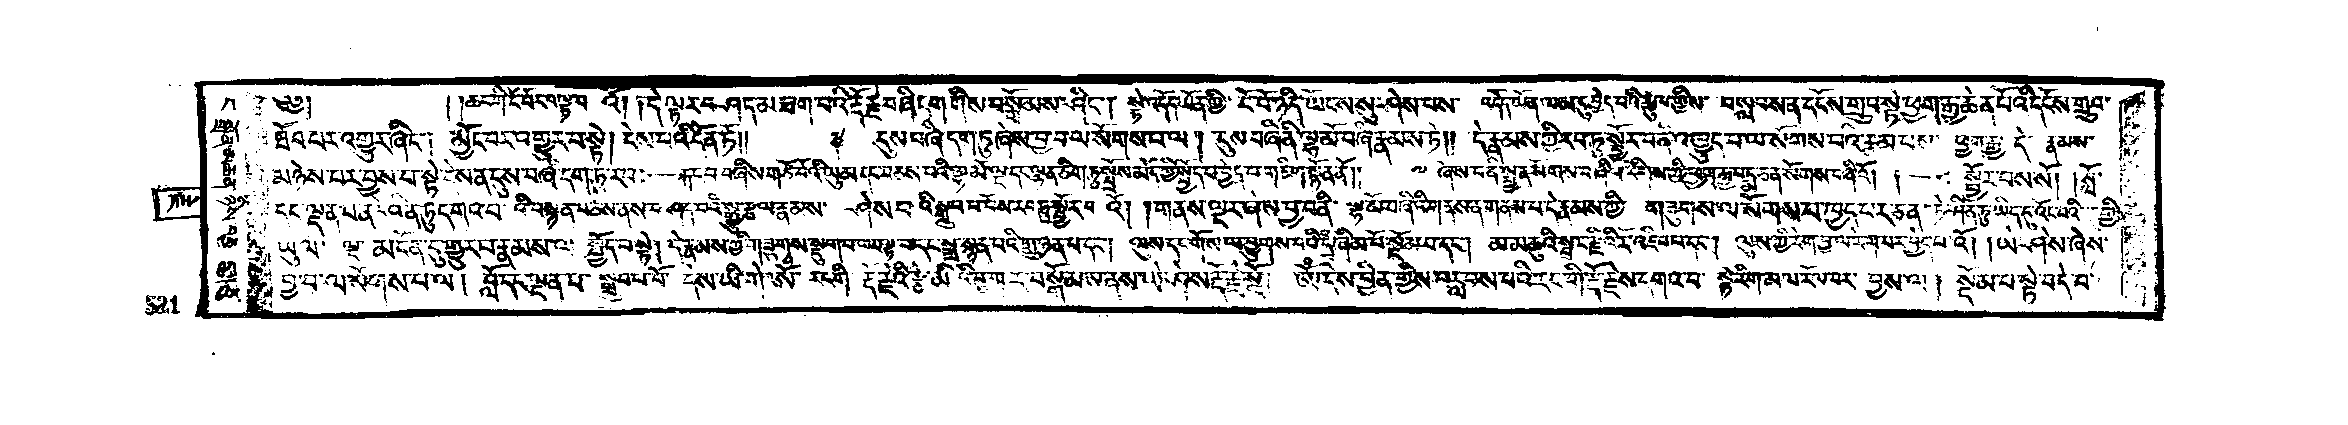༄༅། །ཆང་གི་ངོ་བོར་ལྟ་བའོ། །དེ་ལྟར་བཤད་མ་ཐག་པའི་རྡོ་རྗེ་བཞི་དག་གིས་བསྒོམས་ཤིང་། སྟེ་འདོད་ཡོན་གྱི་ངོ་བོ་ཉིད་ཡོངས་སུ་ཤེས་པས་འདོད་ཡོན་ལམ་དུ་བྱེད་པའི་ཚུལ་གྱིས་བསླབས་ན་དངོས་གྲུབ་སྟེ་ཕྱག་རྒྱ་ཆེན་པོའི་དངོས་གྲུབ་
ཐོབ་པར་འགྱུར་ཞིང་། མྱོང་བར་འགྱུར་བ་སྟེ། ངེས་པའི་དོན་ཏོ།། ༈ དུས་བཞི་དག་ཏུ་ཞེས་བྱ་བ་ལ་སོགས་པ་ལ། དུས་བཞི་ནི་ལྷ་མོ་བཞི་རྣམས་ཏེ།། དེ་རྣམས་ཀྱི་རབ་ཏུ་སྦྱོར་བ་ནི་འཁྱུད་པ་ལ་སོགས་པའི་རྣམ་པས་ཕྱག་རྒྱ་དེ་རྣམས་
མཉེས་པར་བྱས་པ་སྟེ་དེས་ན་དུས་བཞི་དག་ཏུ་རབ་རྐང་པ་བཞིས་གཙོ་བོའི་ཡུམ་དང་བཅས་པའི་ལྷ་མོ་ལྔ་དང་ལྷན་ཅིག་ཏུ་སྤྲོས་མེད་ཀྱི་སྤྱོད་པ་བྱེད་པ་གཅིག་སྟོན་ནོ།། ༧ཞེས་པ་ནི་སྤྱན་སོགས་བཞིའི་རིགས་ཀྱི་ཕྱག་རྒྱ་པདམ་ཅན་སོགས་བཞིའོ། ། སྦྱོར་བས་སོ། །བློ་
དང་ལྡན་པ་ནི་ཤིན་ཏུ་དགའ་བའི་བསྟན་བཅོས་ནས་བཤད་པའི་སྒྱུ་རྩལ་རྣམས་ཤེས་པའི་སྒྲུབ་པ་པོས་རབ་ཏུ་སྦྱོར་བའོ། །གནས་ལྔར་ཞེས་བྱ་བ་ནི་ལྷ་མོ་བཞིའི་གནས་ན་གནས་པ་དེ་རྣམས་ཀྱི་གཟུགས་ལ་སོགས་པ་ཁྱད་པར་ཅན་ཏེ་ཤིན་ཏུ་ཡིད་དུ་འོང་བའི་གྱི་
ཡུལ་ལྔ་མངོན་དུ་གྱུར་པ་རྣམས་ལ་སྤྱོད་པ་སྟེ། དེ་རྣམས་ཀྱི་གཟུགས་སྡུག་པ་ལ་བལྟ་བ་དང་སྒྲ་སྙན་པའི་གླུ་ཉན་པ་དང་། ལུས་དང་གོས་ལ་བྱུགས་པའི་དྲི་ཞིམ་པོ་སྣོམ་པ་དང་། མ་མཆུའི་སྦྲང་རྩིའི་རོ་འཇིབ་པ་དང་། ལུས་ཀྱི་རེག་བྱ་ལ་རེག་པར་བྱེད་པའོ། །ཡེ་ཤེས་ཞེས་
བྱ་བ་ལ་སོགས་པ་ལ། བློ་དང་ལྡན་པ་སྒྲུབ་པ་པོ་དེས་ཡི་གེ་ཨོཾ་རང་གི་རྡོ་རྗེའི་རྩེ་མོའི་བུ་གར་བསྒོམས་ནས་ཡེ་ཤེས་རྡོ་རྗེ་སྟེ། ཨོཾ་དེས་བྱིན་གྱིས་བརླབས་པའི་རང་གི་རྡོ་རྗེས་དགའ་བ་སྟེ་རིག་མ་ལ་རོལ་བར་བྱས་ལ། སྡོམ་པ་སྟེ་བདེ་བ་